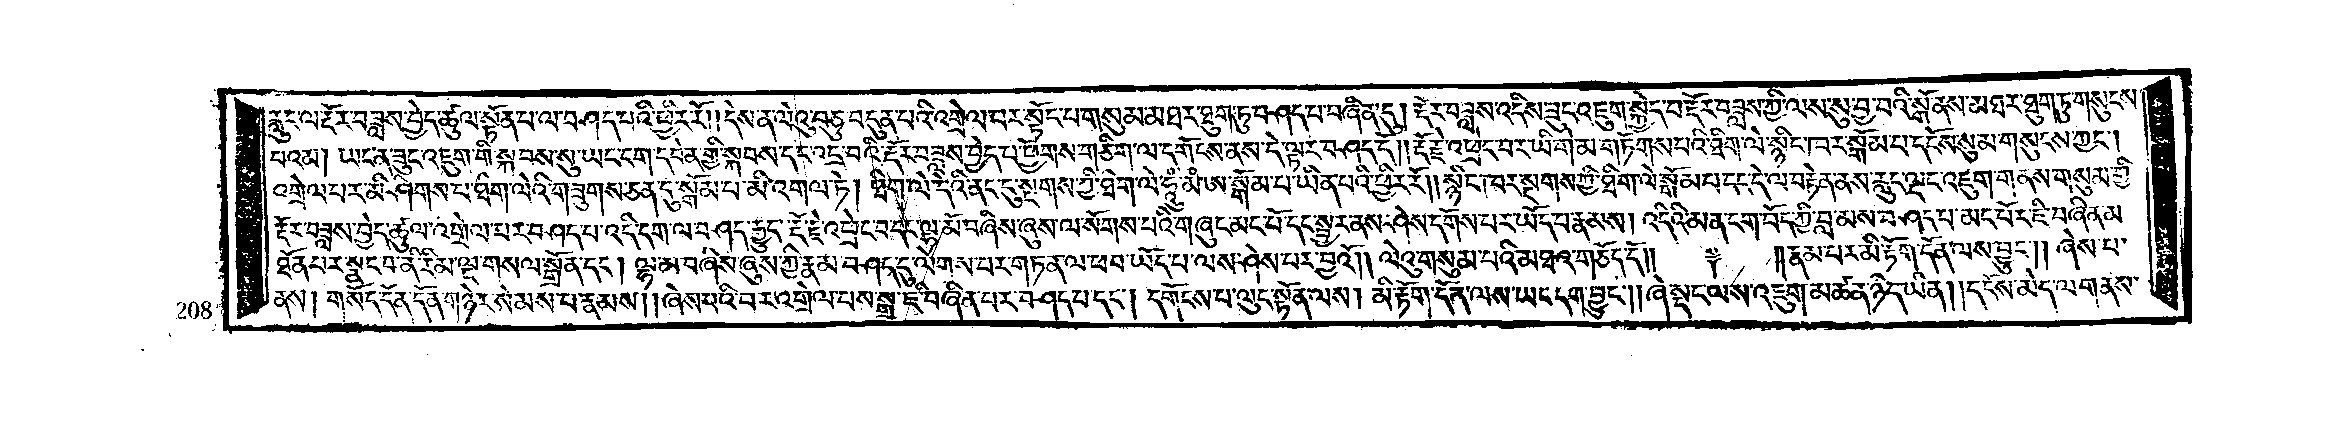རླུང་ལ་རྡོར་བཟླས་བྱེད་ཚུལ་སྟོན་པ་ལ་བཤད་པའི་ཕྱིར་རོ། །དེས་ན་ལེའུ་བཅུ་བདུན་པའི་འགྲེལ་པར་སྟོང་པ་གསུམ་མཐར་ཐུག་ཏུ་བཤད་པ་བཞིན་དུ། རྡོར་བཟླས་འདིས་ཟུང་འཇུག་སྐྱེད་པ་རྡོར་བཟླས་ཀྱི་ལས་སུ་བྱ་བའི་སྒོ་ནས་མཐར་ཐུག་ཏུ་གསུངས་
པའམ། ཡང་ན་ཟུང་འཇུག་གི་སྐབས་སུ་ཡང་དག་དབེན་གྱི་སྐབས་དང་འདྲ་བའི་རྡོར་བཟླས་བྱེད་པ་ཕྱོགས་གཅིག་ལ་དགོངས་ནས་དེ་ལྟར་བཤད་དོ། །རྡོ་རྗེ་འཕྲེང་བར་ཡི་གེ་མ་གཏོགས་པའི་ཐིག་ལེ་སྙིང་ཁར་སྒོམ་པ་དངོས་སུ་མ་གསུངས་ཀྱང་།
འགྲེལ་པར་མི་ཤིགས་པ་ཐིག་ལེའི་གཟུགས་ཅན་དུ་སྒོམ་པ་མི་འགལ་ཏེ། ཐིག་ལེ་དེའི་ནང་དུ་སྔགས་ཀྱི་ཐིག་ལེ་ཧཱུཾ་མཾ་ཨ་སྒོམ་པ་ཡིན་པའི་ཕྱིར་རོ། །སྙིང་ཁར་སྔགས་ཀྱི་ཐིག་ལེ་སྒོམ་པ་དང་དེ་ལ་བརྟེན་ནས་རླུང་ལྡང་འཇུག་གནས་གསུམ་གྱི་
རྡོར་བཟླས་བྱེད་ཚུལ་འགྲེལ་པར་བཤད་པ་འདི་དག་ལ་བཤད་རྒྱུད་རྡོ་རྗེ་འཕྲེང་བ་དང་ལྷ་མོ་བཞིས་ཞུས་ལ་སོགས་པའི་གཞུང་མང་པོ་དང་སྦྱར་ནས་ཤེས་དགོས་པར་ཡོད་པ་རྣམས། འདིའི་མན་ངག་བོད་ཀྱི་བླ་མས་བཤད་པ་མང་པོར་ཇི་བཞིན་མ་
ཐོན་པར་སྣང་བ་ནི་རིམ་ལྔ་གསལ་སྒྲོན་དང་། ལྷ་མོ་བཞིས་ཞུས་ཀྱི་རྣམ་བཤད་དུ་ལེགས་པར་གཏན་ལ་ཕབ་ཡོད་པ་ལས་ཤེས་པར་བྱའོ། །ལེའུ་གསུམ་པའི་མཐའ་གཅོད་དོ།། ༈ །།རྣམ་པར་མི་རྟོག་དོན་ལས་བྱུང་། །ཞེས་པ་
ནས། གསོད་དོན་དོན་གཉེར་སེམས་པ་རྣམས། །ཞེས་པའི་བར་འགྲེལ་པས་སྒྲ་ཇི་བཞིན་པར་བཤད་པ་དང་། དགོངས་པ་ལུང་སྟོན་ལས། མི་རྟོག་དོན་ལས་ཡང་དག་བྱུང་། །ཞེ་སྡང་ལས་འཇུག་མཚན་ཉིད་ཡིན། །དངོས་མེད་ལ་གནས་